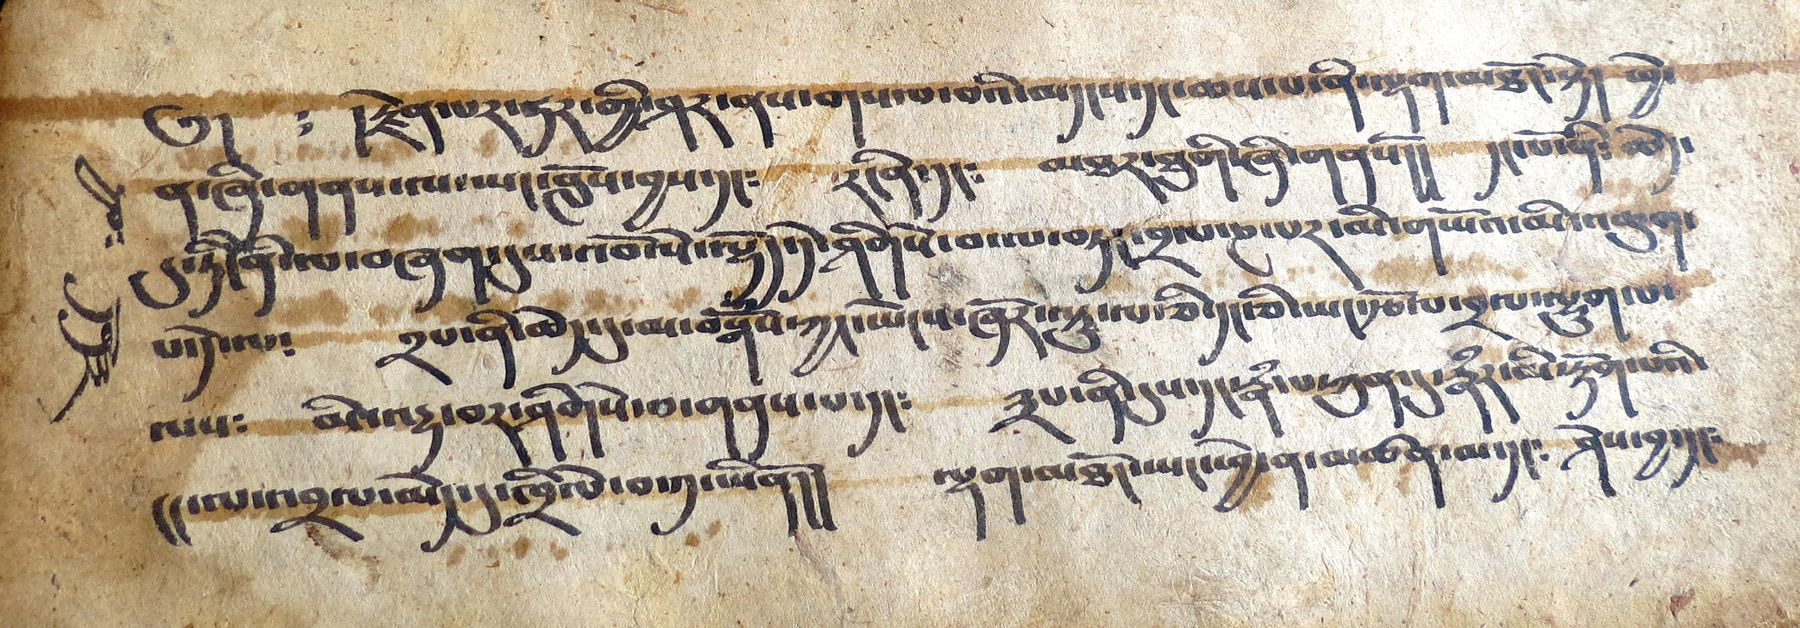རྗེན་པར་ཧར་གྱིས་ཤར་ནས་གསལ་བའི་མདངས་དང་ཆས་པ་ནི། ལྷག་མཐོང་སྟེ། ཕྱེ་
ན་ཞི་གནས་ལ་ཡང་། བློས་བྱས། རང་བཞིན། མཐར་ཐུག་གི་ཞི་གནས་སོ། ། དང་པོ་ནི་ཆེད་
དུ་ཏིང་ངེ་འཛིན་ལ་བཞག་དུས། དེ་ལ་དུས་ཀྱི་འབོལ་ལེ་ལྷོད་དེ་ཤིགས་སེ་བ་ལ་བཏང་བྲལ་མེད་པར་མི་འཆུག་
མི་གཡོ་དེ་ལ། གཉིས་པ་ནི་ཆེད་དུ་མ་བསྒོམ་ཀྱང་ཡེངས་ཤོར་ལྟ་བུ་ལ་ཅི་དང་ཅི་ཡང་རྩོལ་བྲལ་ལྷུག་པ་
ལས་མི་འདའ་བར་ཤིགས་སེ་གནས་པ་དང་། གསུམ་པ་ནི་དུས་དང་གནས་སྐབས་ཀུན་ཏུ་རྣམ་པར་མི་རྟོག་པའི་
ངང་ལ་འབྲལ་མེད་དུ་ཁྲིལ་ལེ་བ་ཅིག་ཡིན་ནོ། ལྷག་མཐོང་ལ་ཡང་ཕྱེ་ན། མཚན་མ་དང་། ཤེས་བྱ་དང་།